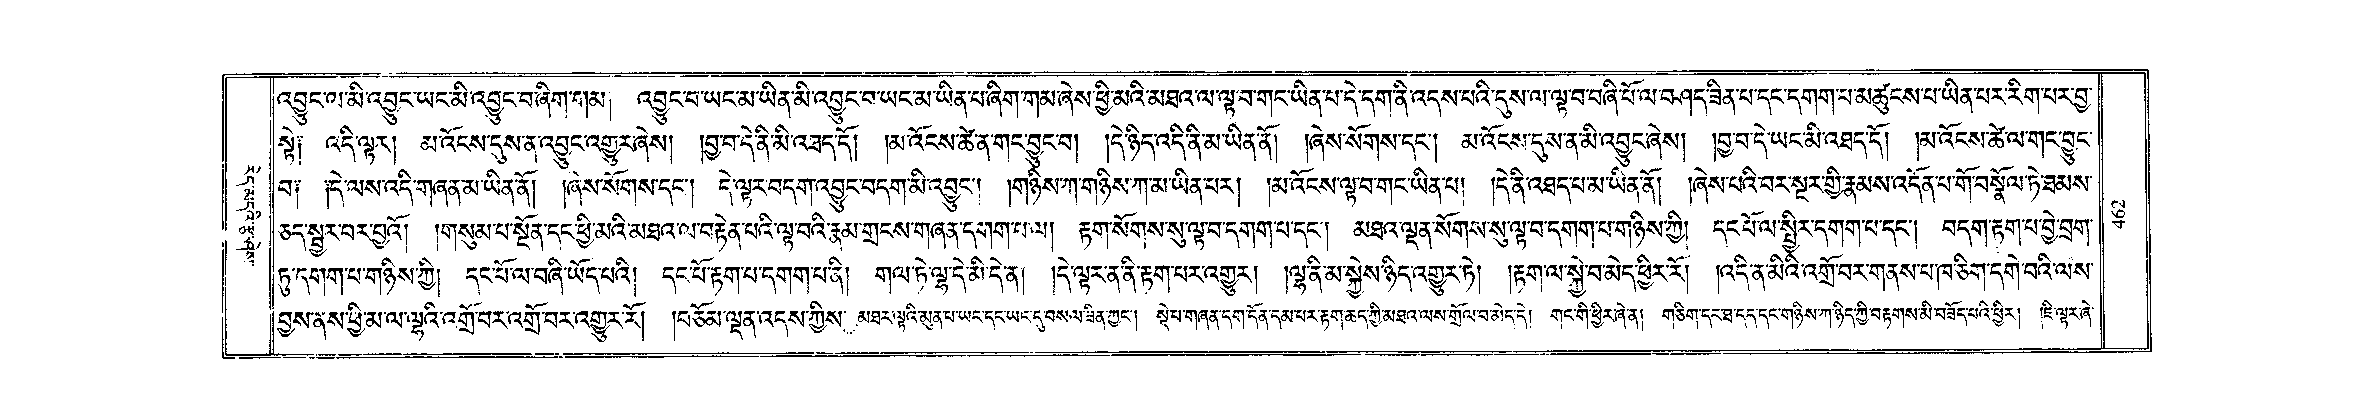འབྱུང་ལ་མི་འབྱུང་ཡང་མི་འབྱུང་བ་ཞིག་གམ། འབྱུང་བ་ཡང་མ་ཡིན་མི་འབྱུང་བ་ཡང་མ་ཡིན་པ་ཞིག་གམ་ཞེས་ཕྱི་མའི་མཐའ་ལ་ལྟ་བ་གང་ཡིན་པ་དེ་དག་ནི་འདས་པའི་དུས་ལ་ལྟ་བ་བཞི་པོ་ལ་བཤད་ཟིན་པ་དང་དགག་པ་མཚུངས་པ་ཡིན་པར་རིག་པར་བྱ་
སྟེ༑ འདི་ལྟར། མ་འོངས་དུས་ན་འབྱུང་འགྱུར་ཞེས། །བྱ་བ་དེ་ནི་མི་འཐད་དོ། །མ་འོངས་ཚེ་ན་གང་བྱུང་བ། །དེ་ཉིད་འདི་ནི་མ་ཡིན་ནོ། །ཞེས་སོགས་དང་། མ་འོངས་དུས་ན་མི་འབྱུང་ཞེས། །བྱ་བ་དེ་ཡང་མི་འཐད་དོ། །མ་འོངས་ཚེ་ལ་གང་བྱུང་
བ༑ ༑དེ་ལས་འདི་གཞན་མ་ཡིན་ནོ། །ཞེས་སོགས་དང་། དེ་ལྟར་བདག་འབྱུང་བདག་མི་འབྱུང་། །གཉིས་ཀ་གཉིས་ཀ་མ་ཡིན་པར། །མ་འོངས་ལྟ་བ་གང་ཡིན་པ། །དེ་ནི་འཐད་པ་མ་ཡིན་ནོ། །ཞེས་པའི་བར་སྔར་གྱི་རྣམས་འདོན་པ་གོ་བསྣོལ་ཏེ་ཐམས་
ཅད་སྦྱར་བར་བྱའོ། །གསུམ་པ་སྔོན་དང་ཕྱི་མའི་མཐའ་ལ་བརྟེན་པའི་ལྟ་བའི་རྣམ་གྲངས་གཞན་དགག་པ་ལ། རྟག་སོགས་སུ་ལྟ་བ་དགག་པ་དང་། མཐའ་ལྡན་སོགས་སུ་ལྟ་བ་དགག་པ་གཉིས་ཀྱི། དང་པོ་ལ་སྤྱིར་དགག་པ་དང་། བདག་རྟག་པ་བྱེ་བྲག་
ཏུ་དགག་པ་གཉིས་ཀྱི། དང་པོ་ལ་བཞི་ཡོད་པའི། དང་པོ་རྟག་པ་དགག་པ་ནི། གལ་ཏེ་ལྷ་དེ་མི་དེ་ན། །དེ་ལྟར་ན་ནི་རྟག་པར་འགྱུར། །ལྷ་ནི་མ་སྐྱེས་ཉིད་འགྱུར་ཏེ། །རྟག་ལ་སྐྱེ་བ་མེད་ཕྱིར་རོ། །འདི་ན་མིའི་འགྲོ་བར་གནས་པ་ཁ་ཅིག་དགེ་བའི་ལས་
བྱས་ནས་ཕྱི་མ་ལ་ལྷའི་འགྲོ་བར་འགྲོ་བར་འགྱུར་རོ། །བཅོམ་ལྡན་འདས་ཀྱིས་མཐར་ལྟའི་མུན་པ་ཡང་དང་ཡང་དུ་བསལ་ཟིན་ཀྱང་། སྡེ་པ་གཞན་དག་དོན་དམ་པར་རྟག་ཆད་ཀྱི་མཐའ་ལས་གྲོལ་བ་མེད་དེ། གང་གི་ཕྱིར་ཞེ་ན། གཅིག་དང་ཐ་དད་དང་གཉིས་ཀ་ཉིད་ཀྱི་བརྟགས་མི་བཟོད་པའི་ཕྱིར། །ཇི་ལྟར་ཞེ་